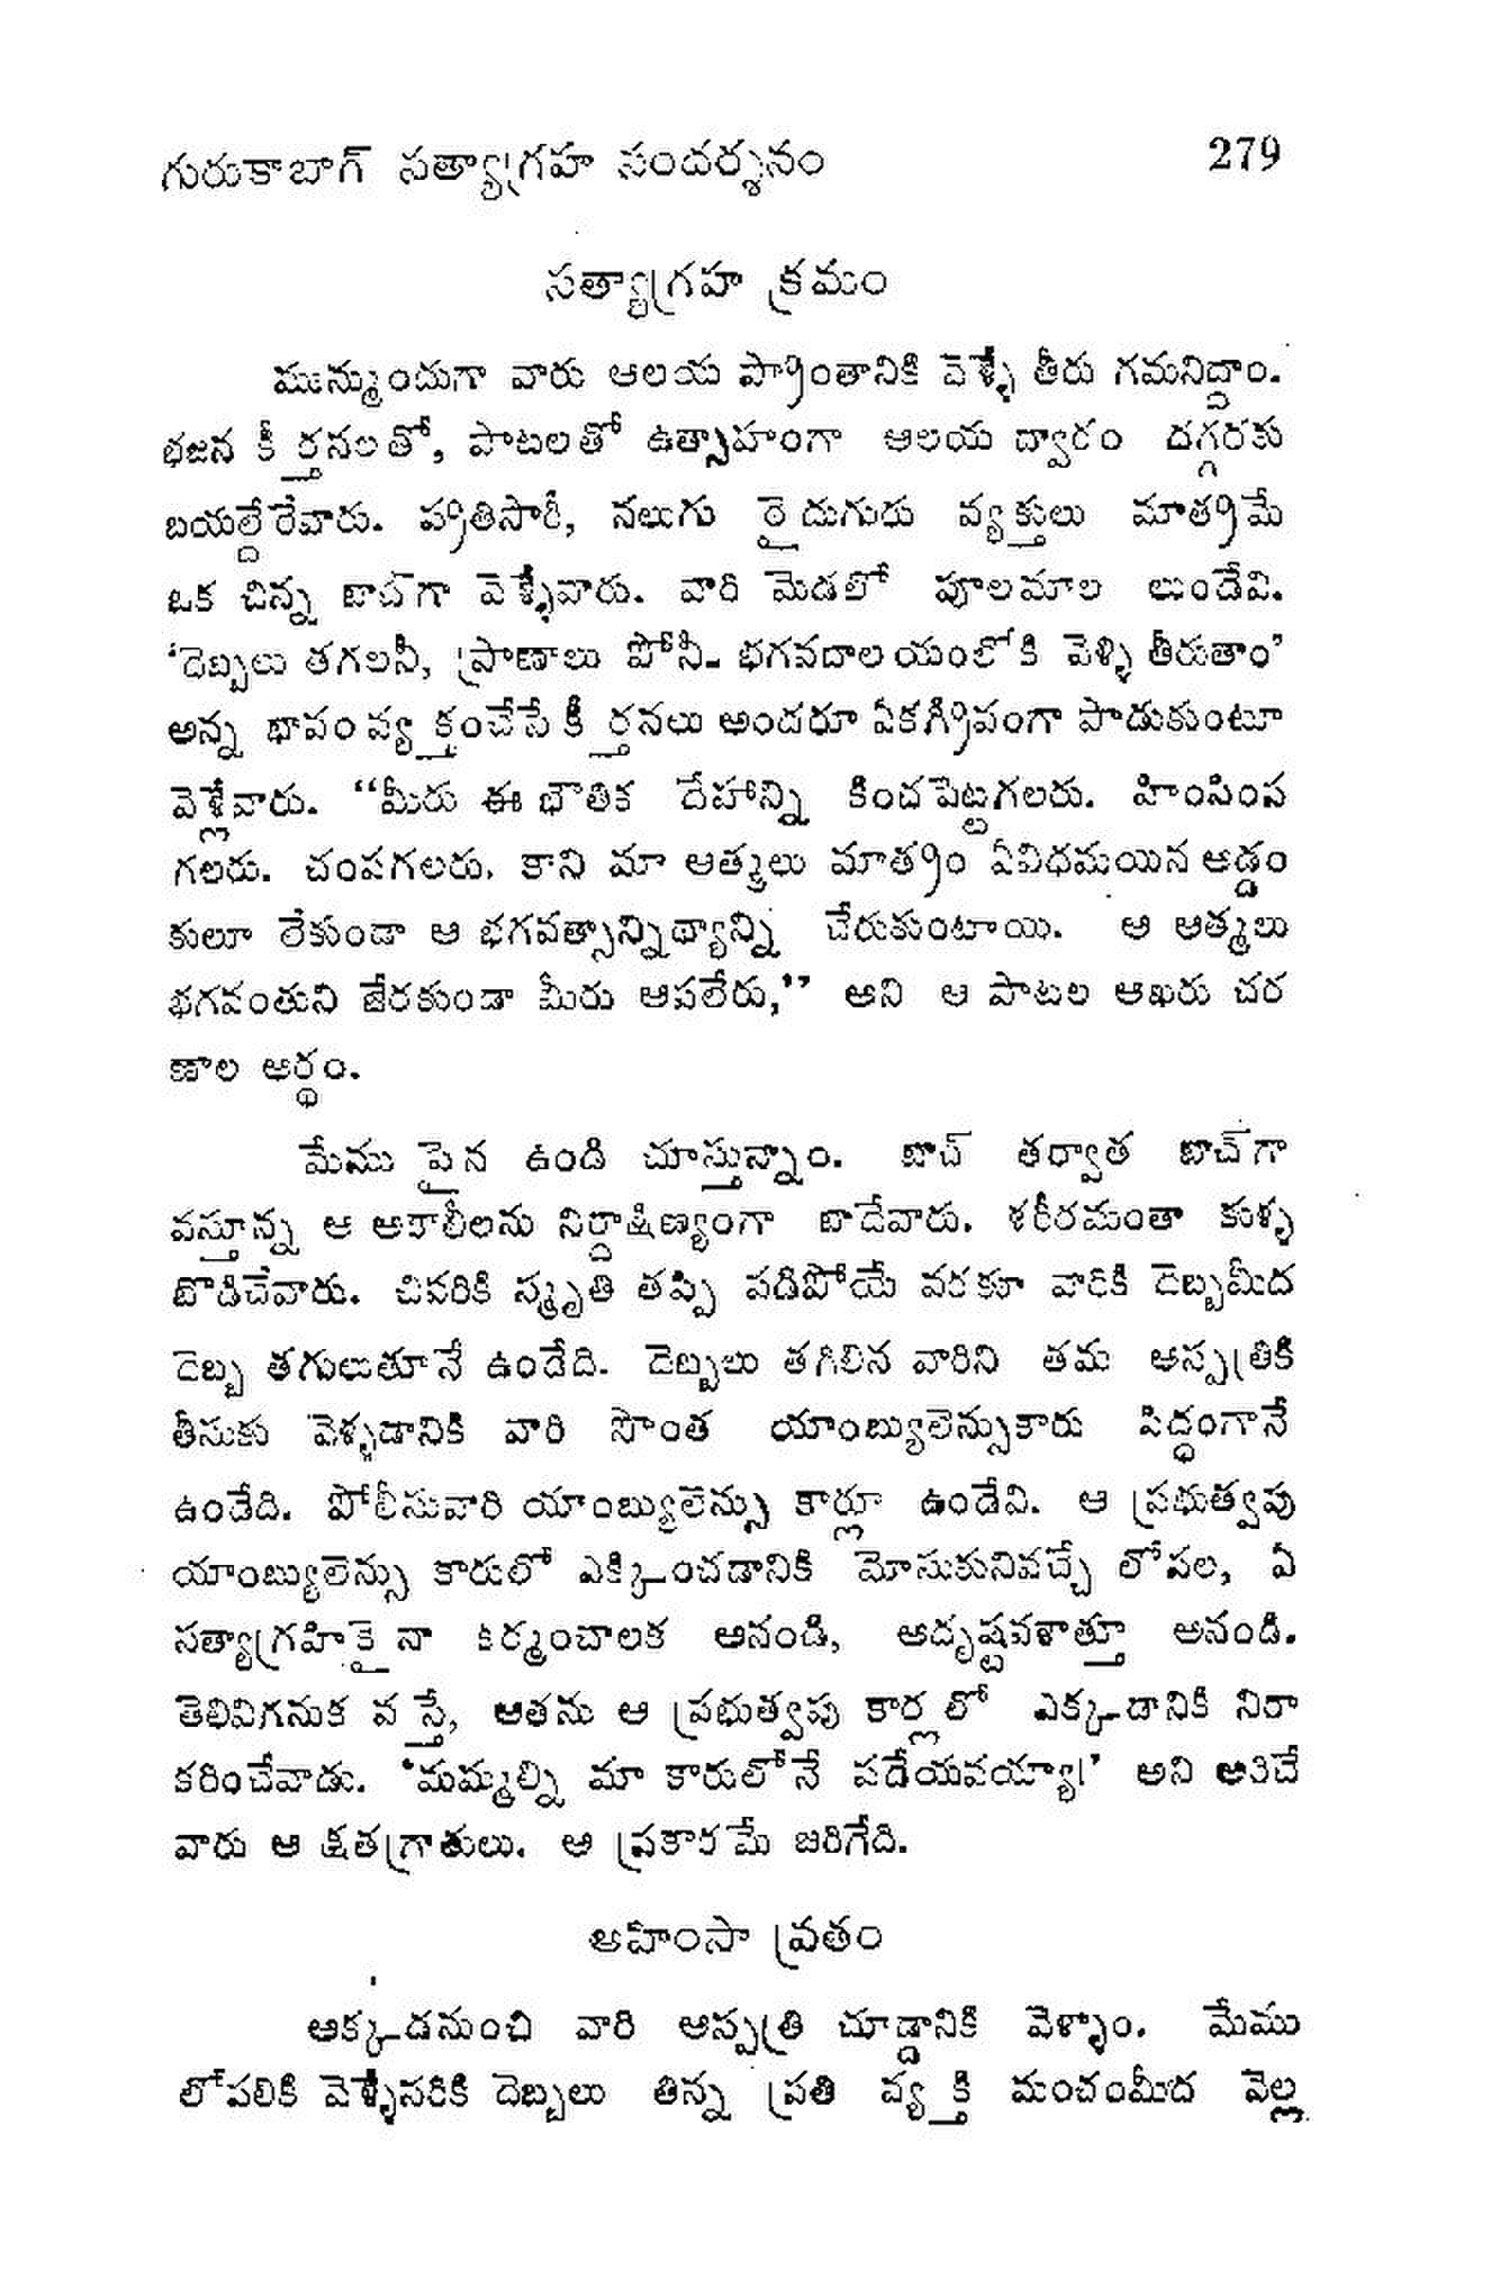మున్ముందుగా వారు ఆలయ ప్రాంతానికి వెళ్ళే తీరు గమనిద్దాం. భజన కీర్తనలతో, పాటలతో ఉత్సాహంగా ఆలయ ద్వారం దగ్గరకు బయల్దేరేవారు. ప్రతిసారి, నలుగు రైదుగురు వ్యక్తులు మాత్రమే ఒక చిన్న బాచ్‌గా వెళ్ళేవారు. వారి మెడలో పూలమాల లుండేవి. "దెబ్బలు తగలనీ, ప్రాణాలు పోనీ-భగవదాలయంలోకి వెళ్ళి తీరుతాం" అన్న భావం వ్యక్తంచేసే కీర్తనలు అందరూ ఏకగ్రీవంగా పాడుకుంటూ వెళ్ళేవారు. "మీరు ఈ భౌతిక దేహాన్ని కించపెట్టగలరు. హింసింపగలరు. చంపగలరు. కాని మా ఆత్మలు మాత్రం ఏవిధమయిన అడ్డంకులూ లేకుండా ఆ భగవత్సాన్నిథ్యాన్ని చేరుకుంటాయి. ఆ ఆత్మలు భగవంతుని జేరకుండా మీరు ఆపలేరు," అని ఆ పాటల ఆఖరు చరణాల అర్థం.

మేము పైన ఉండి చూస్తున్నాం. బాచ్ తర్వాత బాచ్‌గా వస్తూన్న ఆ అకాలీలను నిర్ధాక్షిణ్యంగా బాదేవారు. శరీరమంతా కుళ్ళబొడిచేవారు. చివరికి స్మృతి తప్పి పడిపోయే వరకూ వారికి దెబ్బమీద దెబ్బ తగులుతూనే ఉండేది. దెబ్బలు తగిలిన వారిని తమ ఆస్పత్రికి తీసుకు వెళ్ళడానికి వారి సొంత యాంబ్యులెన్సుకారు సిద్ధంగానే ఉండేది. పోలీసువారి యాంబ్యులెన్సు కార్లూ ఉండేవి. ఆ ప్రభుత్వపు యాంబ్యులెన్సు కారులో ఎక్కించడానికి మోసుకునివచ్చే లోపల, ఏసత్యాగ్రహికైనా కర్మంచాలక అనండి, అదృష్టవశాత్తూ అనండి, తెలివిగనుక వస్తే, అతను ఆ ప్రభుత్వపు కార్లలో ఎక్కడానికి నిరాకరించేవాడు. "మమ్మల్ని మా కారులోనే పడేయవయ్యా" అని అరిచేవారు ఆ క్షతగ్రాతులు. ఆ ప్రకారమే జరిగేది.

అక్కడనుంచి వారి ఆస్పత్రి చూడ్డానికి వెళ్ళాం. మేము లోపలికి వెళ్ళేసరికి దెబ్బలు తిన్న ప్రతి వ్యక్తి మంచంమీద వెల్ల